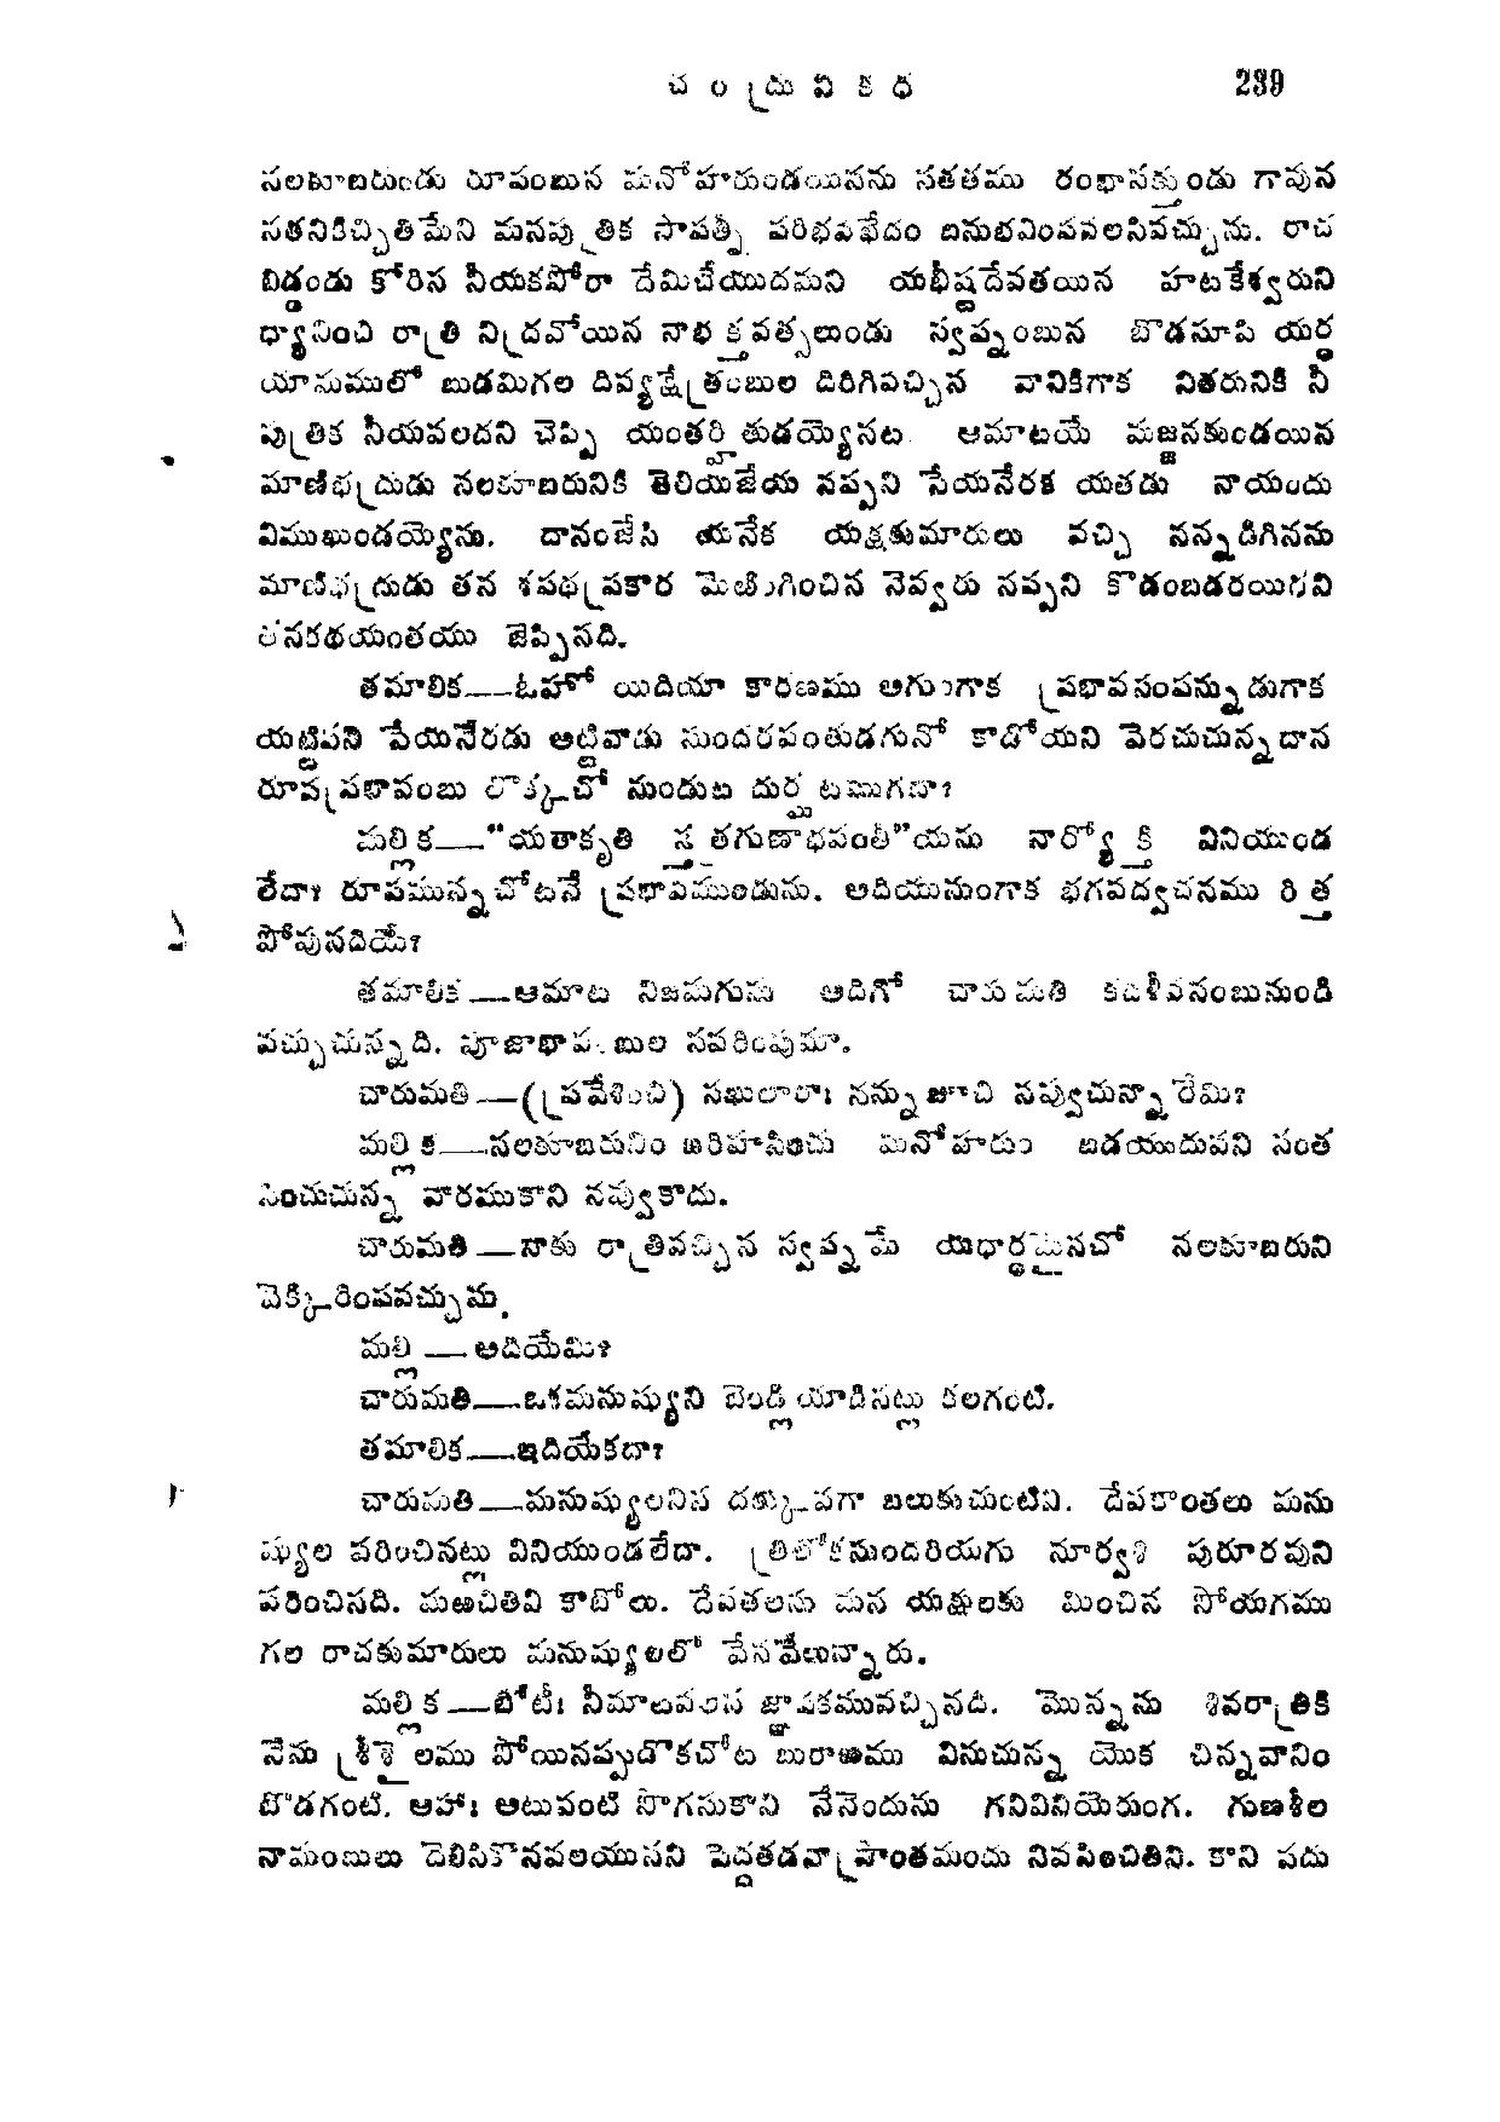నలకూబరుండు రూపంబున మనోహరుండయినను సతతము రంభాసక్తుండు గావున
నతనికిచ్చితిమేని మనపుత్రిక సాపత్నీపరిభవభేదం బనుభవింపవలసివచ్చును. రాచబిడ్డండు కోరిన నీయకపోరా దేమిచేయుదమని యభీష్టదేవతయిన హటకేశ్వరుని ధ్యానించి రాత్రి నిద్రవోయిన నాభక్తవత్సలుండు స్వప్నంబున బొడసూపి యర్ధయామములో బుడమిగల దివ్యక్షేత్రంబుల దిరిగివచ్చిన వానికిగాక నితరునికి నీ పుత్రిక నీయవలదని చెప్పి యంతర్హితుడయ్యెనట. ఆమాటయే మజ్జనకుండయిన మాణిభద్రుడు నలకూబరునికి తెలియజేయ నప్పని సేయనేరక యతడు నాయందు
విముఖుండయ్యెను. దానంజేసి యనేక యక్షకుమారులు వచ్చి నన్నడిగినను మాణిభద్రుడు తన శపథప్రకార మెఱింగించిన నెవ్వరు నప్పని కొడంబడరయిరని తనకథయంతయు జెప్పినది.

తమాలిక - ఓహో యిదియా కారణము అగుంగాక ప్రభావసంపన్నుడుగాక యట్టిపని సేయనేరడు అట్టివాడు సుందరవంతుడగునో కాడోయని వెరచుచున్నదాన రూపప్రభావంబు లొక్కచో నుండుట దుర్గటముగదా?

మల్లిక - "యతాకృతి స్తత్రగుణాభవంతీ"యను నార్యోక్తి వినియుండ లేదా? రూపమున్న చోటనే ప్రభావముండును. అదియునుంగాక భగవద్వచనము రిత్త పోవునదియే ?

తమాలిక - ఆమాట నిజమగును అదిగో చారుమతి కదళీవనంబునుండి వచ్చుచున్నది. పూజాభావంబుల సవరింపుమా.

చారుమతి - (ప్రవేశించి) సఖులారా? నన్ను జూచి నవ్వుచున్నా రేమి?

మల్లిక - నలకూబరునిం బరిహసించు మనోహరుం బడయుదువని సంతసించుచున్నవారముకాని నవ్వుకాదు.

చారుమతి — నాకు రాత్రివచ్చిన స్వప్నమే యథార్థమైనచో నలకూబరుని వెక్కిరింపవచ్చును.

మల్లి -- అదియేమి?

చారుమతి — ఒకమనుష్యుని బెండ్లి యాడినట్లు కలగంటి.

తమాలిక - ఇదియేకదా?

చారుమతి - మనుష్యులనిన దక్కువగా బలుకుచుంటివి. దేవకాంతలు మనుష్యుల వరించినట్లు వినియుండలేదా. త్రిలోకసుందరియగు నూర్వశి పురూరవుని వరించినది. మఱచితివి కాబోలు. దేవతలను మన యక్షులకు మించిన సోయగము గల రాచకుమారులు మనుష్యులలో వేనవేలున్నారు.

మల్లిక - బోటీ! నీమాటవలన జ్ఞాపకమువచ్చినది. మొన్నను శివరాత్రికి నేను శ్రీశైలము పోయినప్పు డొకచోట బురాణము వినుచున్న యొక చిన్నవానిం బొడగంటి. ఆహా! అటువంటి సొగసుకాని నేనెందును గనివినియెరుంగ. గుణశీలనామంబులు దెలిసికొనవలయునని పెద్దతడవా ప్రాంతమందు నివసించితిని. కాని పదు